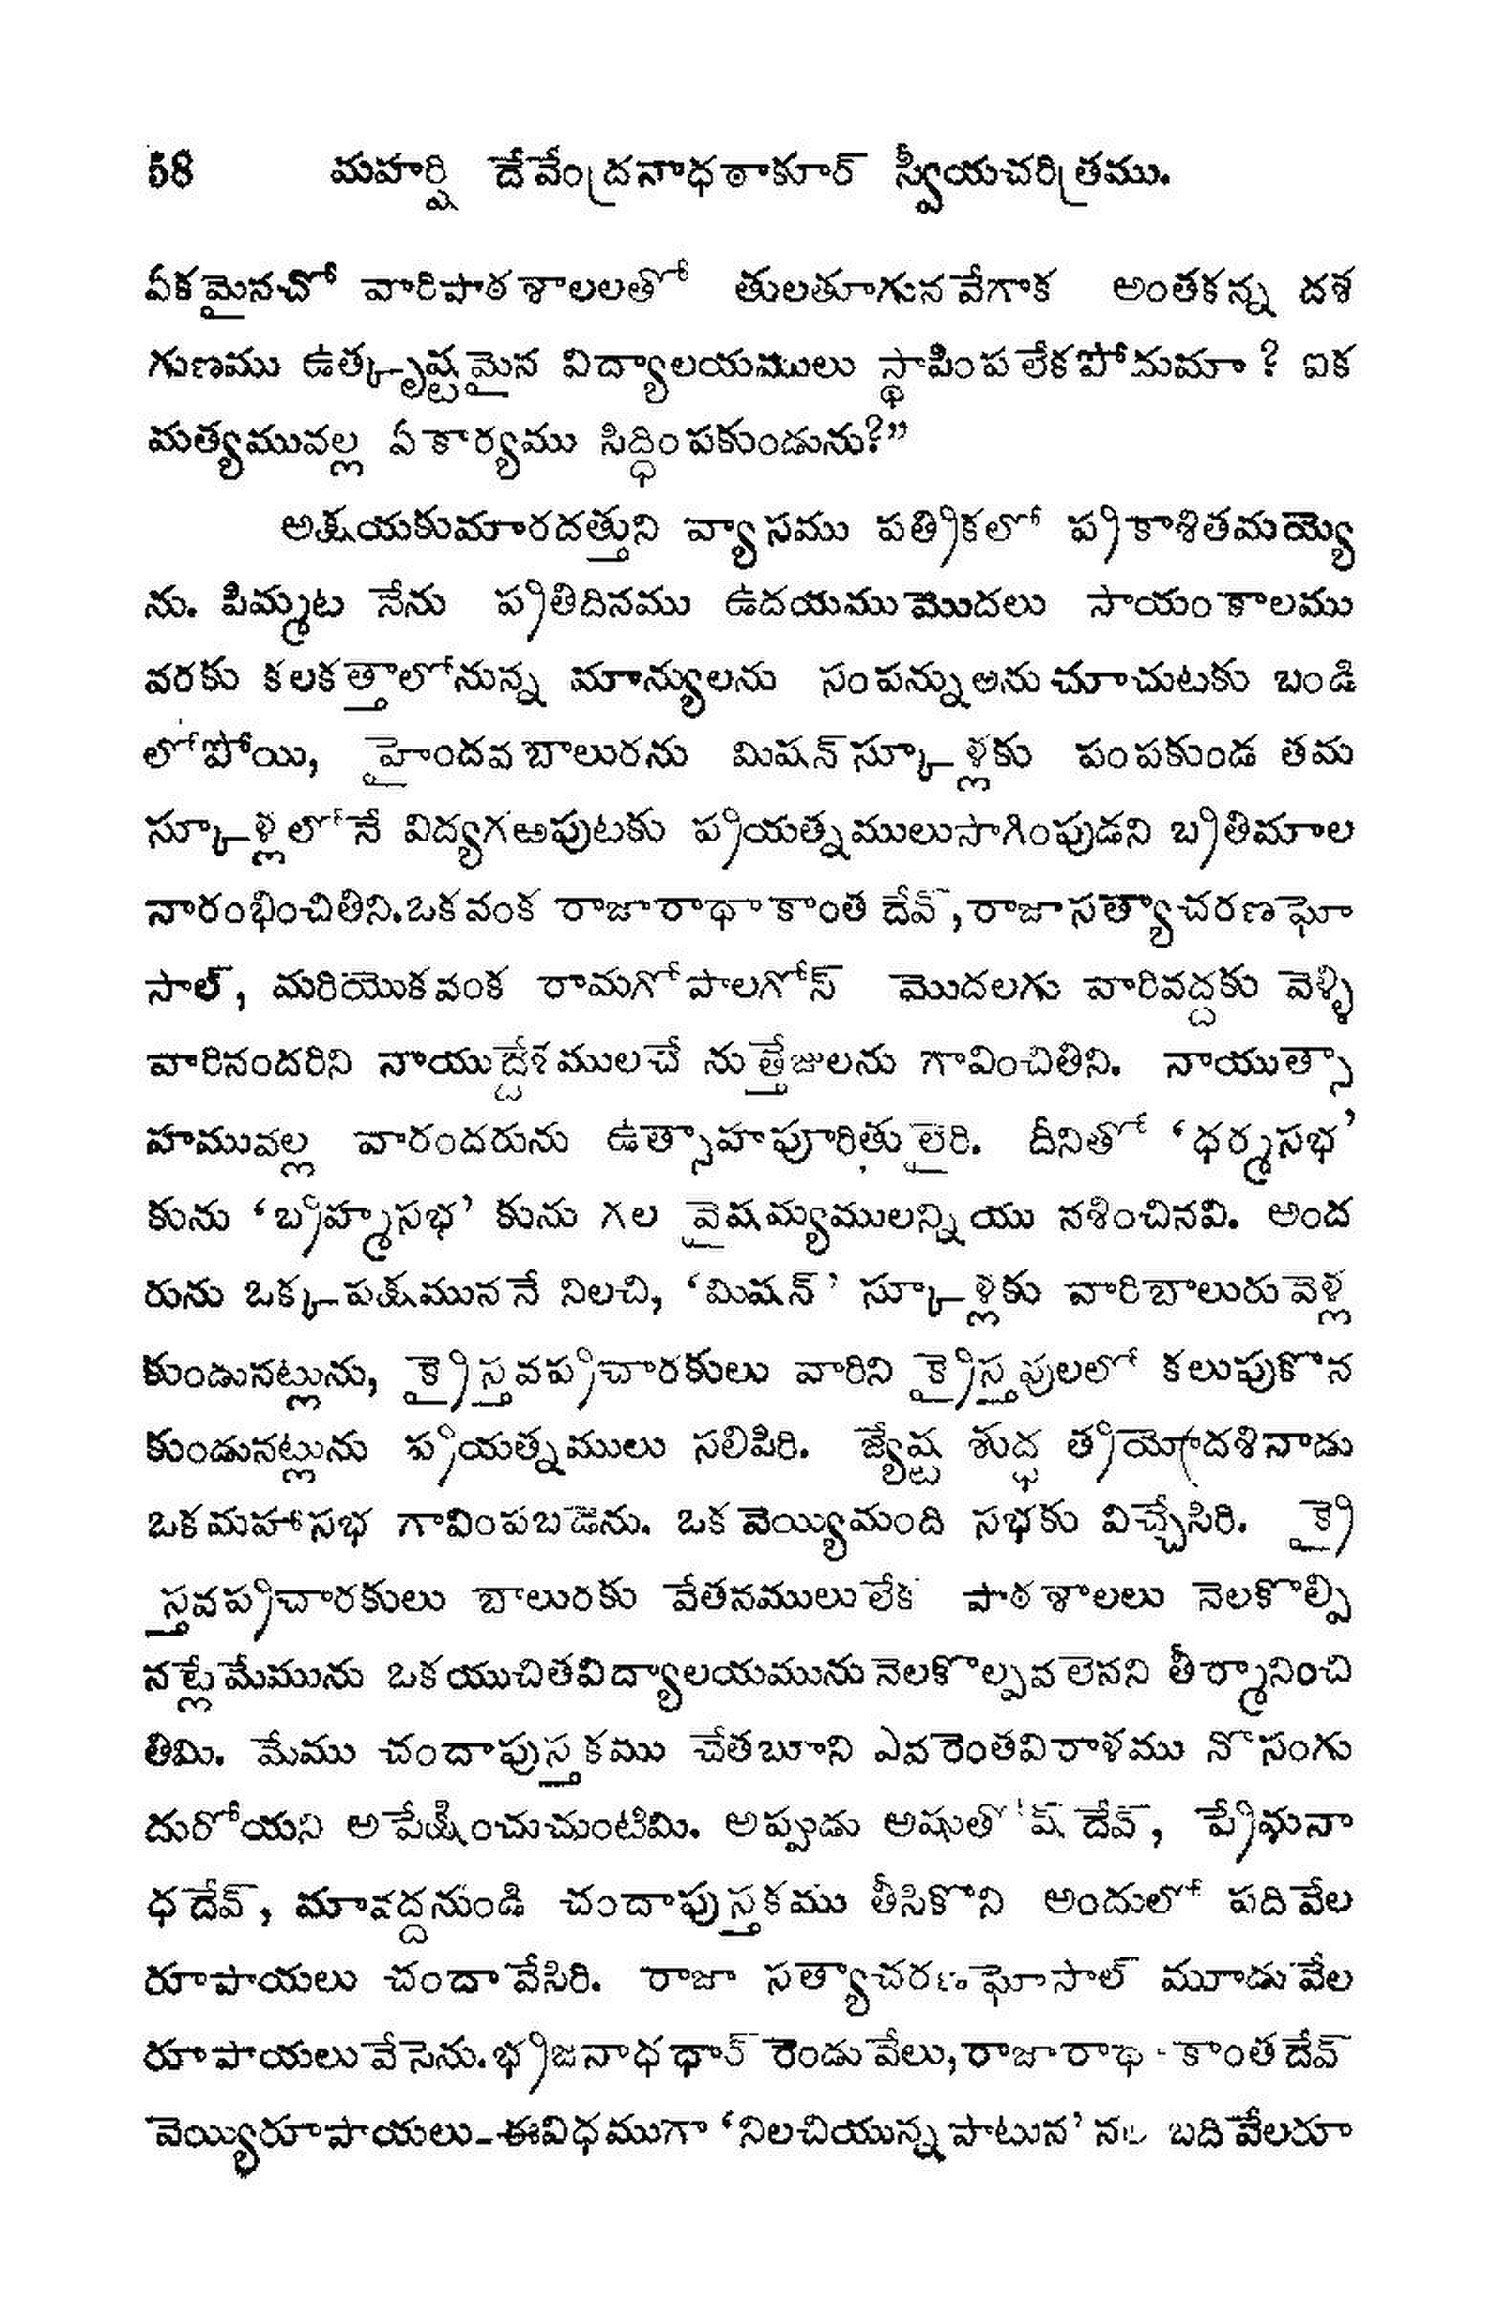ఏకమైనచో వారిపాఠ శాలలతో తులతూగునవేగాక అంతకన్న దశ
గుణము ఉత్కృష్టమైన విద్యాలయములు స్థాపింప లేకపోదుమా ? 
ఐకమత్యమువల్ల ఏ కార్యము సిద్ధింపకుండును?”

అక్షయకుమారదత్తుని 'వ్యాసము పత్రికలో ప్రకాశితమయ్యెను. పిమ్మట నేను ప్రతిదినము ఉదయము మొదలు సాయం కాలము వరకు కలకత్తాలోనున్న మాన్యులను సంపన్ను అను చూచుటకు బండిలో పోయి, హైందవ బాలురను మిషన్ స్కూళ్లకు పంపకుండ తమస్కూళ్లలో నే విద్యగ జుపుటకు ప్రయత్నములు సాగింపుడని బ్రతిమాల నారంభించితిని. ఒక వంక రాజా రాథా కాంత దేవ్, రాజాసత్యాచరణ ఘోసాల్, మరియొక వంక రామగోపాలగోస్ మొదలగు వారివద్దకు వెళ్ళి వారినందరిని నాయుద్దేశములచే నుత్తేజులను గావించితిని. నాయుత్సాహమువల్ల వారందరును ఉత్సాహపూరితులైరి. దీనితో 'ధర్మసభ' “బాహ్మసభకును గల వైషమ్యములన్నియు నశించినవి. అందరును ఒక్క పక్షమున నే నిలచి, 'మిషన్' స్కూళ్లకు వారి బాలురు వెళ్లకుండు నట్లును, క్రైస్తవప్రచారకులు వారిని క్రైస్తవులలో కలుపుకొన కుండునట్లును ప్రయత్నములు సలిపిరి. జ్యేష్ట శుద్ధ త్రయోదశినాడు ఒక మహా సభ గావింపబడెను. ఒక వెయ్యిమంది సభకు విచ్చేసిరి. క్రైస్తవప్రచారకులు బాలురకు వేతనములు లేక పాఠశాలలు నెలకొల్పి
నట్లే మేమును ఒక యుచితవిద్యాలయమును నెలకొల్పవలెనని తీర్మానించి
తిమి. మేము చందాపుస్తకము చేత బూని ఎవరెంతవిరాళము నొసంగు
దురోయని అపేక్షించుచుంటిమి. అప్పుడు అషుతోష్ దేవ్ , ప్రేమనంధ దేవ్ , మావద్ద నుండి చందాపుస్తకము తీసికొని అందులో పది వేల రూపాయలు చందా వేసిరి. రాజా సత్యాచరణం ఘోసాల్ మూడు వేలరూపాయలు వేసెను. భోజనాధ ధార్ రెండు వేలు, రాజా రాజ కాంత దేవ్వెయ్యి రూపాయలు. ఈ విధముగా నిలచియున్న పాటున' నలబది వేలరూ